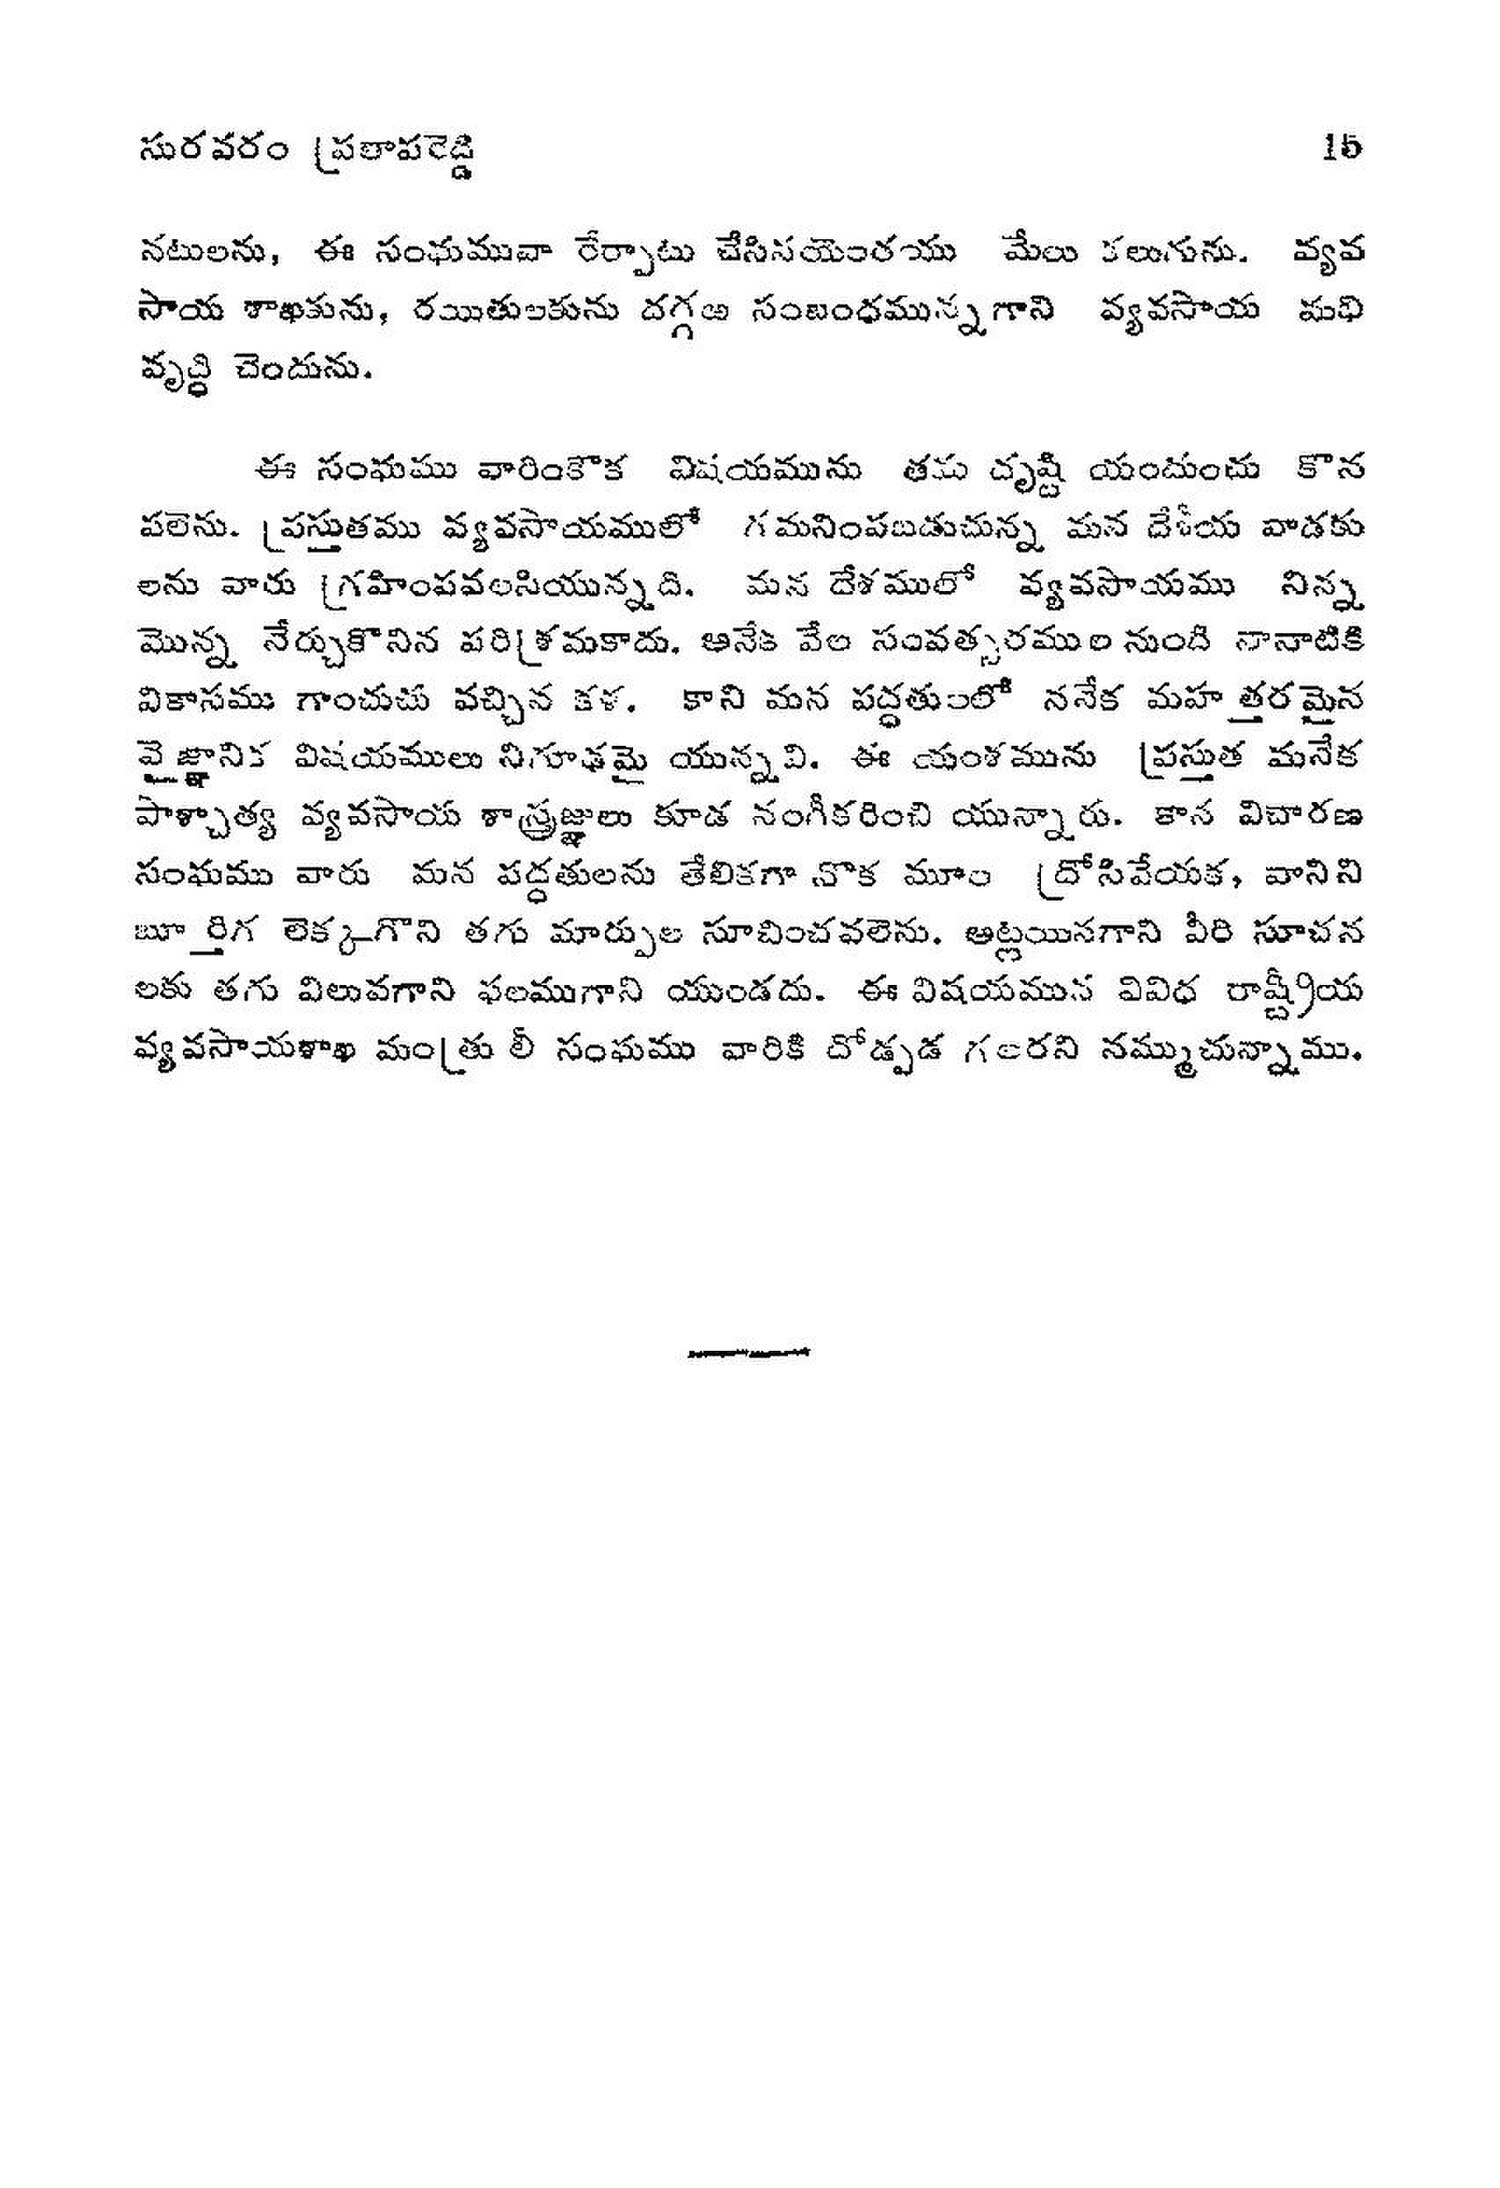నటులను, ఈ సంఘమువా రేర్పాటు చేసినయెంతయు మేలు కలుగును. వ్యవసాయ శాఖకును, రయితులకును దగ్గఱ సంబంధమున్నగాని వ్యవసాయ మభివృద్ది చెందును.

ఈ సంఘము వారింకొక విషయమును తమ దృష్టి యందుంచు కొనపలెను. ప్రస్తుతము వ్యవసాయములో గమనింపబడుచున్న మన దేశీయ వాడకులను వారు గ్రహింపవలసియున్నది. మన దేశములో వ్యవసాయము నిన్న
మొన్న నేర్చుకొనిన పరిశ్రమకాదు. అనేక వేల సంవత్సరముల నుండి నానాటికి వికాసము గాంచుచు వచ్చిన కళ. కాని మన పద్ధతులలో ననేక మహత్తరమైన వైజ్ఞానిక విషయములు నిగూఢమై యున్నవి. ఈ యంశమును ప్రస్తుత మనేక
పాశ్చాత్య వ్యవసాయ శాస్త్రజ్ఞులు కూడ నంగీకరించి యున్నారు. కాన విచారణ సంఘము వారు మన పద్ధతులను తేలికగా నొక మూల ద్రోసివేయక, వానిని బూర్తిగ లెక్కగొని తగు మార్పుల సూచించవలెను. అట్లయినగాని వీరి సూచనలకు తగు విలువగాని ఫలముగాని యుండదు. ఈ విషయమున వివిధ రాష్ట్రీయ వ్యవసాయశాఖ మంత్రు లీ సంఘము వారికి దోడ్పడ గలరని నమ్ముచున్నాము.